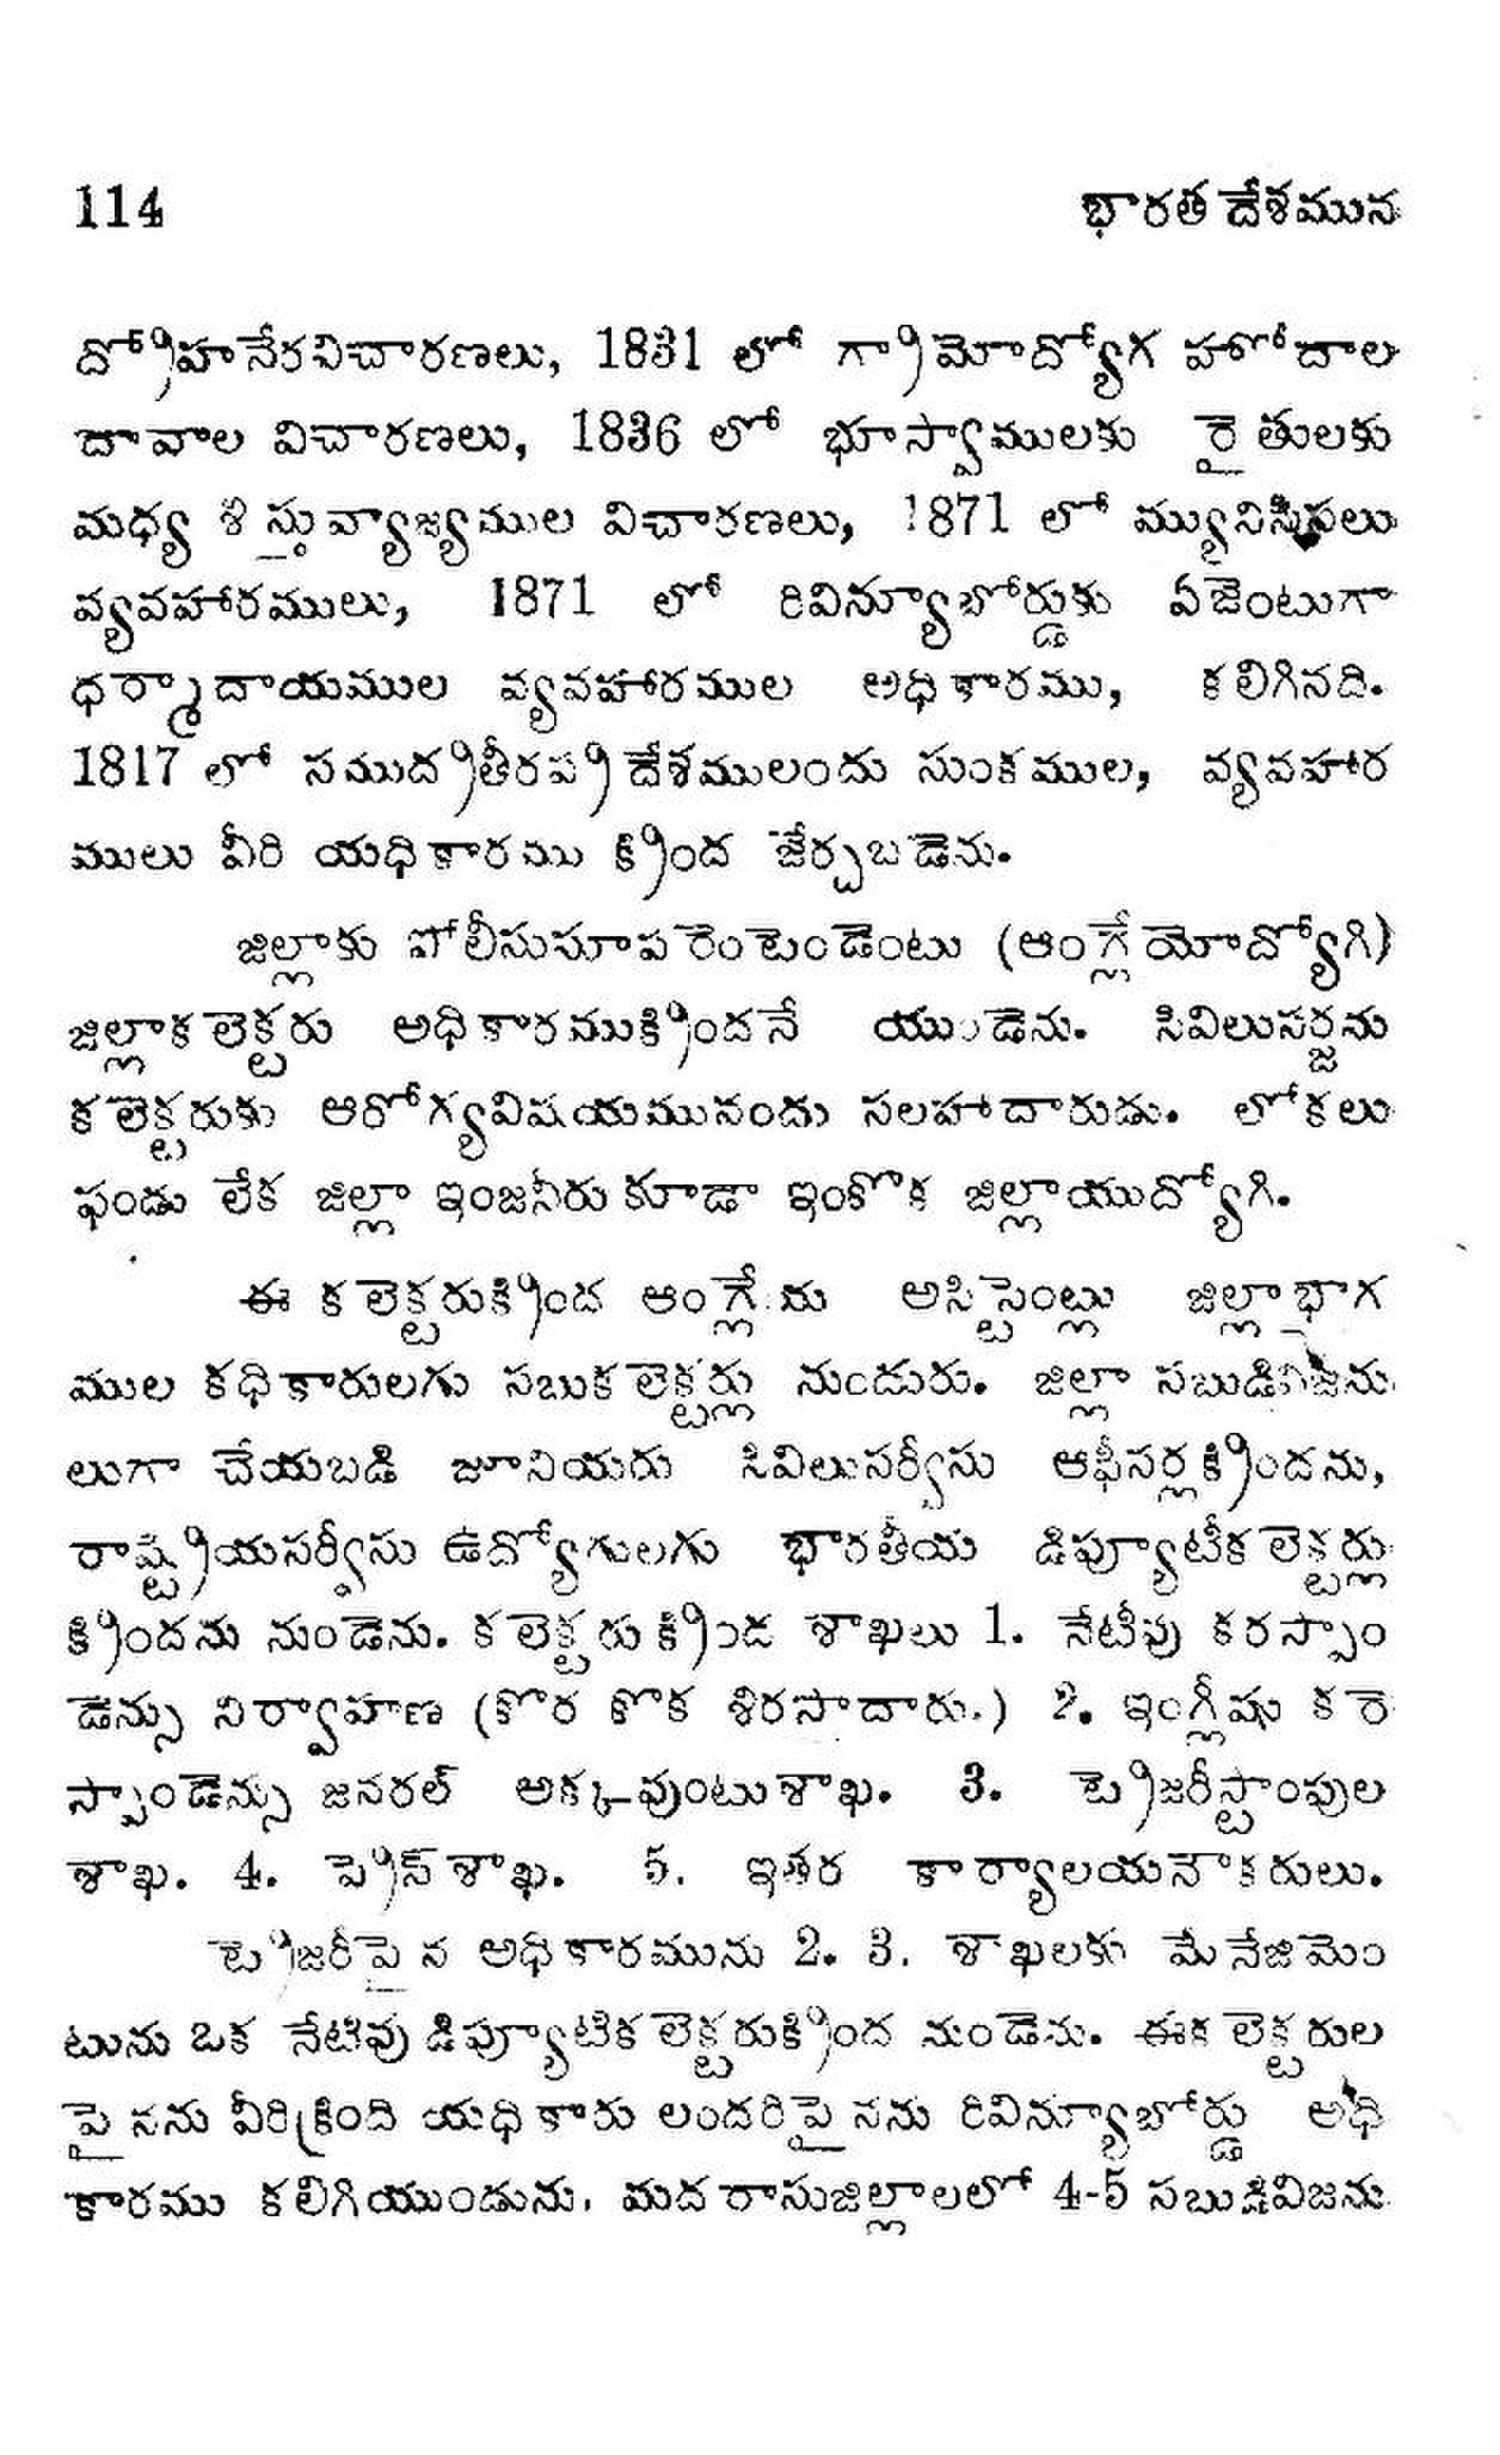ద్రోహనేరవిచారణలు, 1831 లో గ్రామోద్యోగ హోదాల దావాల విచారణలు, 1836 లో భూస్వాములకు రైతులకు మధ్య శిస్తువ్యాజ్యముల విచారణలు, 1871 లో మ్యునిసిపలు వ్యవహారములు, 1871 లో రివిన్యూబోర్డుకు ఏజెంటుగా ధర్మాదాయముల వ్యవహారముల అధికారము, కలిగినది. 1817 లో సముద్రతీరప్రదేశములందు సుంకముల, వ్యవహారములు వీరి యధికారము క్రింద జేర్చబడెను.

జిల్లాకు పోలీసుసూపరెంటెండెంటు (ఆంగ్లేయోద్యోగి) జిల్లాకలెక్టరు అధికారముక్రిందనే యుండెను. సివిలుసర్జను కలెక్టరుకు ఆరోగ్యవిషయమునందు సలహాదారుడు. లోకలు ఫండు లేక జిల్లా ఇంజనీరుకూడా ఇంకొక జిల్లాయుద్యోగి.

ఈ కలెక్టరుక్రింద ఆంగ్లేయ అసిస్టెంట్లు జిల్లాభాగముల కధికారులగు సబుకలెక్టర్లు నుందురు. జిల్లా సబుడివిజనులుగా చేయబడి జూనియరు సివిలుసర్వీసు ఆఫీసర్లక్రిందను, రాష్ట్రీయసర్వీసు ఉద్యోగులగు భాగతీయ డిప్యూటీకలెక్టర్లు క్రిందను నుండెను. కలెక్టరుక్రింద శాఖలు 1. నేటీపు కరస్పాండెన్సు నిర్వాహణ (కొర కొక శిరసాదారు.) 2. ఇంగ్లీషు కరెస్పాండెన్సు జనరల్ అక్కవుంటుశాఖ. 3. ట్రెజరీస్టాంపుల శాఖ. 4. ప్రెస్‌శాఖ. 5. ఇతర కార్యాలయనౌకరులు.

ట్రెజరీపైన అధికారమును 2. 3. శాఖలకు మేనేజిమెంటును ఒక నేటివు డిప్యూటికలెక్టరుక్రింద నుండెను. ఈకలెక్టరుల పైనను వీరిక్రింది యధికారు లందరిపైనను రివిన్యూబోర్డు అధికారము కలిగియుండును. మదరాసుజిల్లాలలో 4-5 సబుడివిజను.